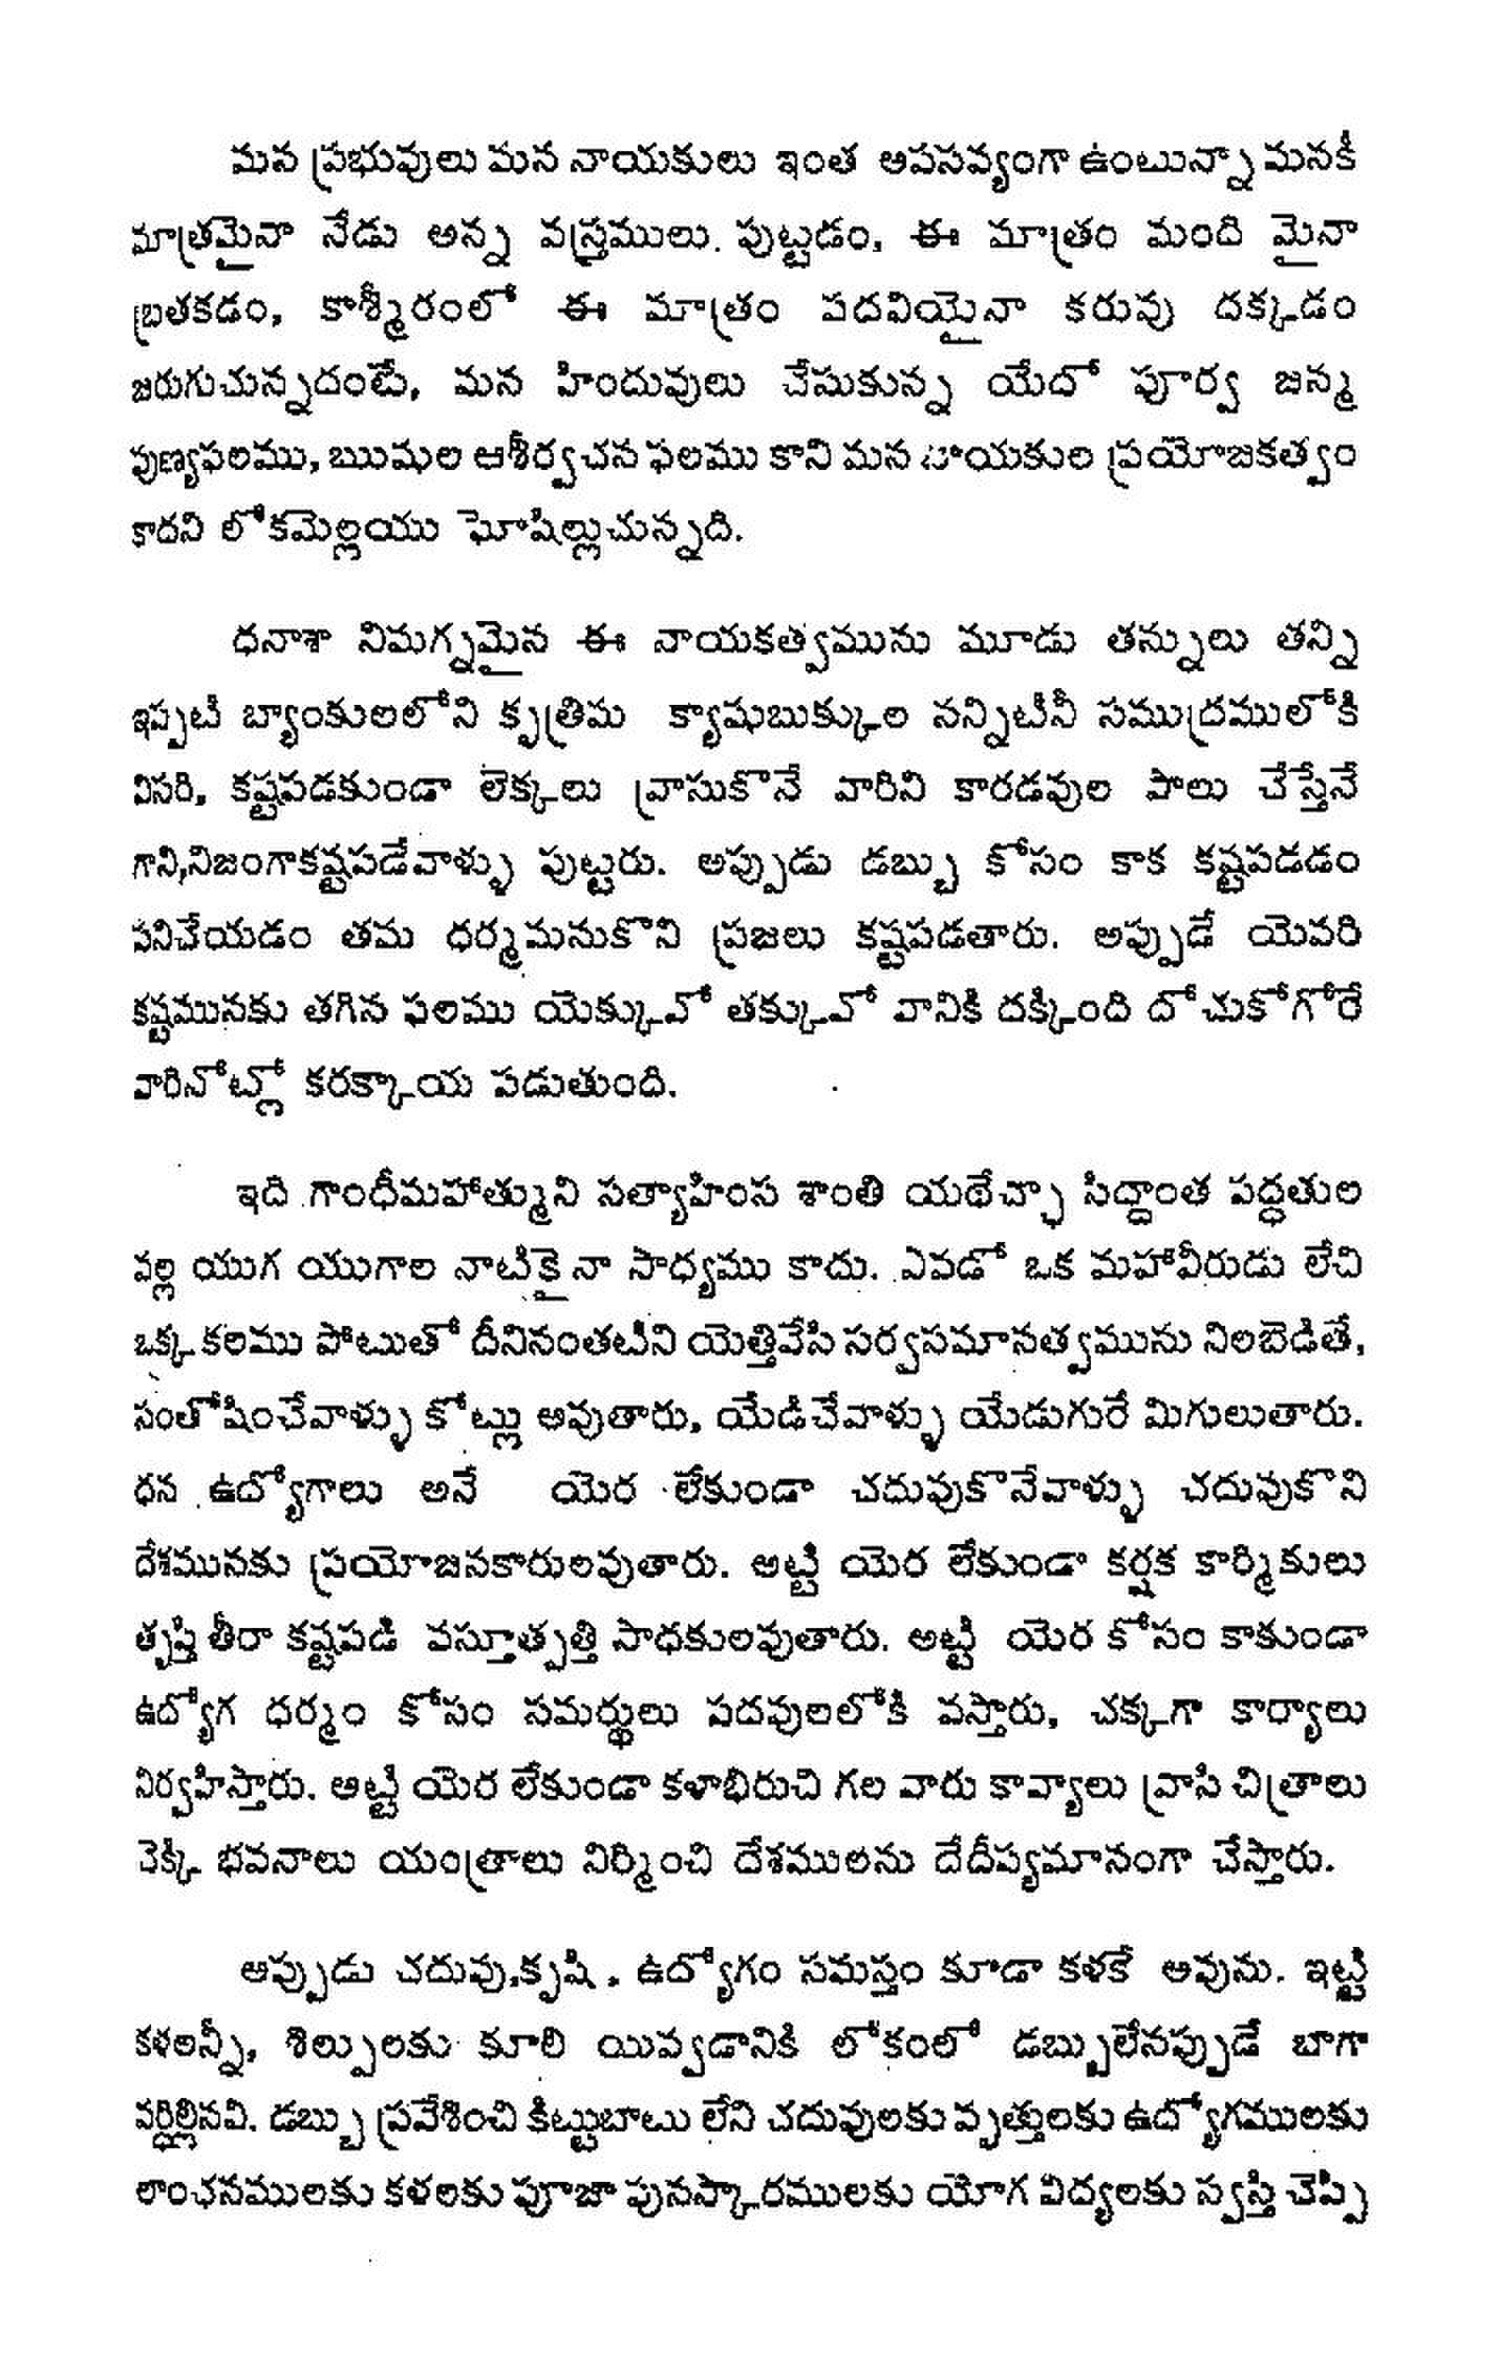మన ప్రభువులు మన నాయకులు ఇంత అపసవ్యంగా ఉంటున్నా మనకీ మాత్రమైనా నేడు వస్త్రములు పుట్టడం, ఈ మాత్రం మంది మైనా బ్రతకడం, కాశ్మీరంలో ఈ మాత్రం పదవియైనా కరువు దక్కడం జరుగుచున్నదంటే, మన హిందువులు చేసుకున్న యేదో పూర్వ జన్మ పుణ్యఫలము, ఋషుల ఆశీర్వచన ఫలము కాని మన నాయకుల ప్రయొజకత్వం కాదని లోకమెల్లయు ఘోషిల్లుచున్నది.

ధనాశా నిమగ్నమైన ఈ నాయకత్వమును మూడు తన్నులు తన్ని ఇప్పటి బ్యాంకులలోని కృత్రిమ క్యాషుబుక్కుల నన్నిటినీ సముద్రములోకి విసరి, కష్టపడకుండా లెక్కలు వ్రాసుకొనే వారిని కారడవుల పాలు చేస్తేనె గాని, నిజంగాకష్టపడేవాళ్ళు పుట్టరు. అప్పుడు డబ్బు కోసం కాక కష్టపడడం పనిచేయడం తమ ధర్మమనుకొని ప్రజలు కష్టపడతారు. అప్పుడే యెవరి కష్టమునకు తగిన ఫలము యెక్కువో తక్కువో వానికి దక్కింది దోచుకోగోరే వారి నోట్లో కరక్కాయ పడుతుంది.

ఇది గాంధీమహాత్ముని సత్యాహింస శాంతి యథేచ్ఛా సిద్దాంత పద్దతుల వల్ల యుగ యుగాల నాటికైనా సాధ్యము కాదు. ఏవడో ఒక మహావీరుడు లేచి ఒక్క కలము పోటుతో దీనినంతటిని యెత్తవేసి సర్వసమానత్వమును నిలబెడితే, సంతోషించేవాళ్ళు కోట్లు అవుతారు. యేడిచేవాళ్ళు యేడుగురే మిగులుతారు. ధన ఉద్యోగాలు అనే యెర లేకుండా చదువుకొనేవాళ్ళు చదువుకొని దేశమునకు ప్రయోజనకారులవుతారు. అట్టి యెర లెకుండా కర్షక కార్మికులు తృప్తి తీరా కష్టపడి వస్తూత్పత్తి సాధకులవుతారు. అట్టి యెర కోసం కాకుండా ఉద్యోగం ధర్మం కోసం సమర్థులు పదవులలోకి వస్తారు. చక్కగా కార్యాలు నిర్వహిస్తారు. అట్టి యెర లేకుండా కళాభిరుచి గల వారు కావ్యాలు వ్రాసి చిత్రాలు చెక్కి భవనాలు యంత్రాలు నిర్మించి దేశములను దేదీప్యమానంగా చేస్తారు.

అప్పుడు చదువు, కృషి, ఉద్యోగం సమస్తం కూడా కళకే అవును. ఇట్టి కళలన్నీ, శిల్పులకు కూలి యివ్వడానికి లోకంలో డబ్బులేనప్పుడే బాగా వర్ధిల్లినని. డబ్బు ప్రవేశించి కిట్టుబాటు లేని చదువులకు వృత్తులకు ఉద్యోగములకు లాంఛనములకు కళలకు పూజా పునస్కారములకు యోగ విద్యలకు స్వస్తి చెప్పి